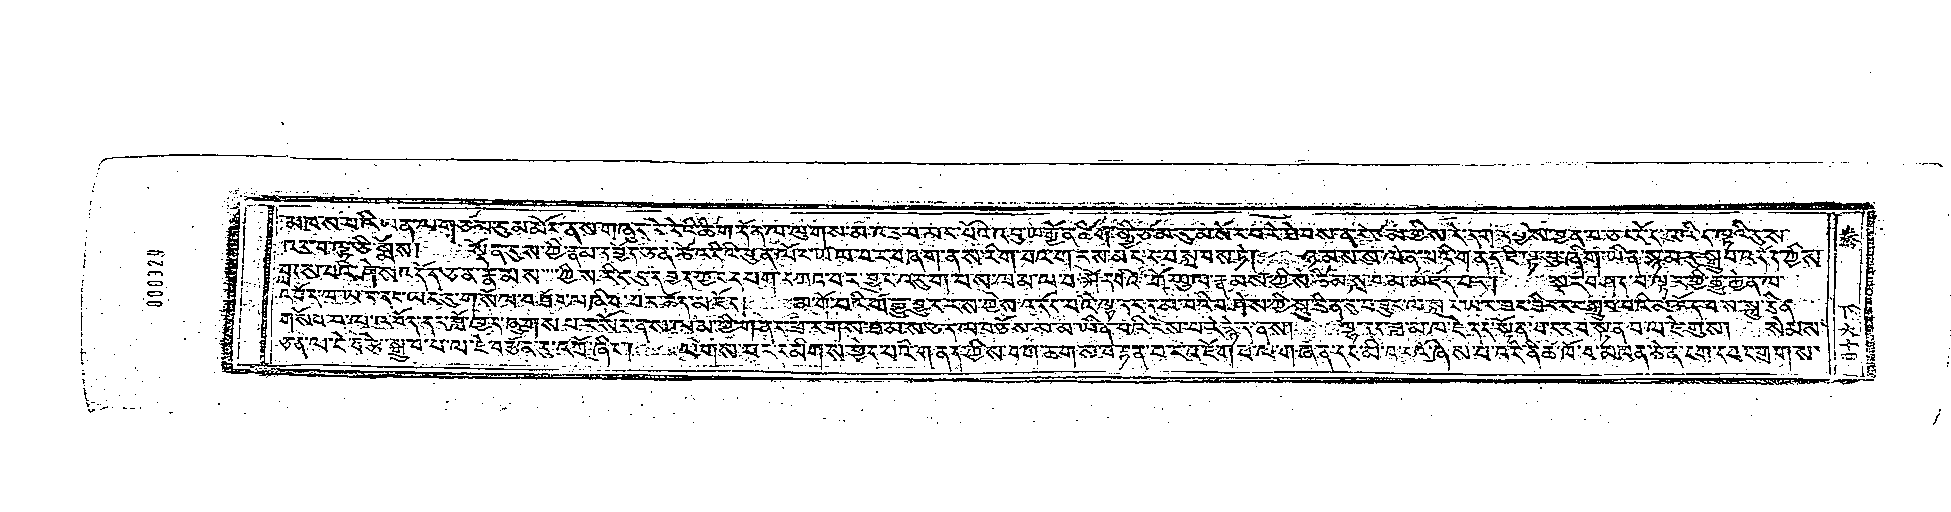མཁས་པའི་ཡན་ལག་ཙམ་དུ་མ་མོང་ནས་གཞུང་ངེ་དེའི་ཚིག་དོན་ལ་ལུགས་མ་འདྲ་བ་མང་པོའི་འབུ་ཡ་རྒྱོན་ཚིག་སྤྱི་ཙམ་དུ་མ་སོང་བྲེ་ཐེབས་ན་དེ་ཙམ་གྱིས་དེ་དག་དཔྱེས་བྱན་པ་ཅང་རོ་ང་འའི་ད་ལྟའི་དུས་
འདྲ་བ་ལྟ་ཅི་སྨོས། སྔོན་དུས་ཀྱི་རྣམ་དབྱོད་ཅན་ཚེ་འདིའི་ཕུན་ལོང་ཡལ་བར་བཞག་ནས་རིག་པའི་གནས་མང་དུ་བསླབས་ཏེ། ཉམས་སུ་ལེན་པའི་གནད་ཇི་ལྟ་བུ་ཞིག་ཡིན་སྙམ་དུ་སྒྲུབ་འདོད་ཀྱིས་
བླངས་པའི་ཤེས་འདོད་ཅན་རྣམས་ཀྱིས་རིང་དུ་དབྱད་ཀྱང་དཔག་དཀའ་བར་བྱུང་འདུག་པས་ལམ་ལ་བསྐོར་བའི་གོ་ཡུལ་རྣམས་ཀྱིས་ཚིམ་སླ་བ་མ་མཛད་བར། སྔར་བཤད་པ་ལྟར་གྱི་རྒྱུ་རྐྱེན་ལ་
འབོར་ལ་ཡང་དང་ཡང་དུ་གསོལ་བ་ཐོབ་ལ་ཞིབ་པར་ཆོད་མཛོད། མ་གོ་བའི་གོ་རྒྱུ་བྱུང་རས་ཀྱིས་འདོད་པའི་ལྟ་དང་དམ་པའི་བཤེས་ཀྱི་སྐུ་དྲིན་དུ་བཟུང་ལ་སླར་ཡང་ཟང་ཟིང་དང་སྒྲུབ་པའི་མཆོད་བས་སྐུ་དྲིན་
གསོབ་པ་ལ་འབོད་དང་བློ་ཁྱད་ཞུགས་པར་སོང་ནས་ལམ་གྱི་གནད་ཕྲ་རགས་ཐམས་ཅད་ལ་བཅོས་མ་མ་ཡིན་པའི་ངེས་པ་རེ་རྙེད་ནས། ལྷ་དང་བླ་མ་ལ་ཇེ་དང་སྟོན་པ་དང་བསྟན་པ་ལ་ཇེ་གུས། སེམས་
ཅན་ལ་ངེ་བརྩེ་སྒྲུབ་པ་ལ་རྗེ་བརྩོན་དུ་འགྲོ་ཞིང་། ལེགས་བར་དམིགས་ཕྱེད་པའི་གནད་ཀྱིས་བག་ཆགས་བརྟན་བར་འཇོག་པ་ལ་གཞན་དང་མི་འདྲའོ་ཞེས་པ་འདི་ནི་ཚ་ཁོ་བ་མཁན་ཆེན་ངག་དབང་གྲགས་